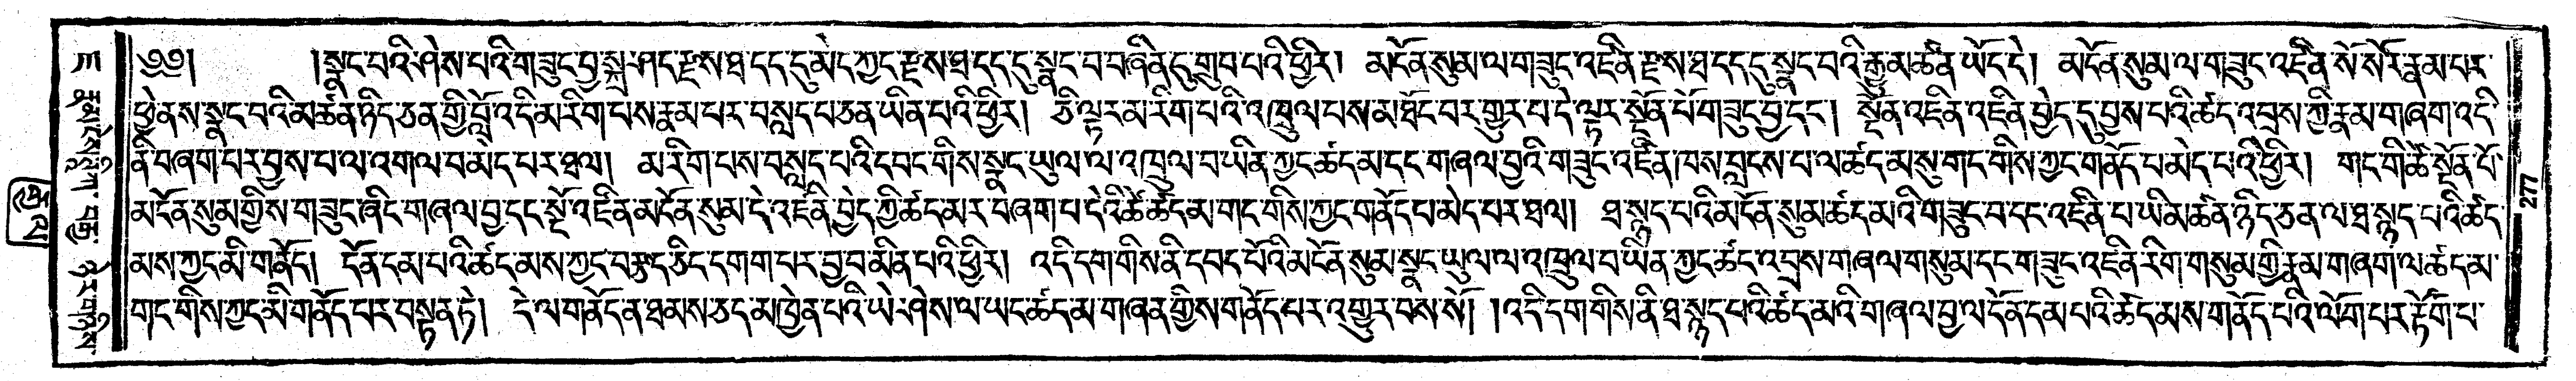༄༅། །སྣང་བའི་ཤེས་པའི་གཟུང་བྱ་སྐྲ་ཤད་རྫས་ཐ་དད་དུ་མེད་ཀྱང་རྫས་ཐ་དད་དུ་སྣང་བ་བཞིན་དུ་གྲུབ་པའི་ཕྱིར། མངོན་སུམ་ལ་གཟུང་འཛིན་རྫས་ཐ་དད་དུ་སྣང་བའི་རྒྱུ་མཚན་ཡོད་དེ། མངོན་སུམ་ལ་གཟུང་འཛིན་སོ་སོར་རྣམ་པར་
ཕྱེ་ནས་སྣང་བའི་མཚན་ཉིད་ཅན་གྱི་བློ་འདི་མ་རིག་པས་རྣམ་པར་བསླད་པ་ཅན་ཡིན་པའི་ཕྱིར། ཅི་ལྟར་མ་རིག་པའི་འཁྲུལ་པས་མཐོང་བར་གྱུར་པ་དེ་ལྟར་སྔོན་པོ་གཟུང་བྱ་དང་། སྔོན་འཛིན་འཛིན་བྱེད་དུ་བྱས་པའི་ཚད་འབྲས་ཀྱི་རྣམ་གཞག་འདི་
ནི་བཞག་པར་བྱས་པ་ལ་འགལ་བ་མེད་པར་ཐལ། མ་རིག་པས་བསླད་པའི་དབང་གིས་སྣང་ཡུལ་ལ་འཁྲུལ་བ་ཡིན་ཀྱང་ཚད་མ་དང་གཞལ་བྱའི་གཟུང་འཛིན་ཁས་བླངས་པ་ལ་ཚད་མ་སུ་གང་གིས་ཀྱང་གནོད་པ་མེད་པའི་ཕྱིར། གང་གི་ཚེ་སྔོན་པོ་
མངོན་སུམ་གྱིས་གཟུང་ཞིང་གཞལ་བྱ་དང་སྔོ་འཛིན་མངོན་སུམ་དེ་འཛིན་བྱེད་ཀྱི་ཚད་མར་བཞག་པ་དེའི་ཚེ་ཚད་མ་གང་གིས་ཀྱང་གནོད་པ་མེད་པར་ཐལ། ཐ་སྙད་པའི་མངོན་སུམ་ཚད་མའི་གཟུང་བ་དང་འཛིན་པ་ཡི་མཚན་ཉིད་ཅན་ལ་ཐ་སྙད་པའི་ཚད་
མས་ཀྱང་མི་གནོད། དོན་དམ་པའི་ཚད་མས་ཀྱང་བརྩད་ཅིང་དགག་པར་བྱ་བ་མིན་པའི་ཕྱིར། འདི་དག་གིས་ནི་དབང་པོའི་མངོན་སུམ་སྣང་ཡུལ་ལ་འཁྲུལ་བ་ཡིན་ཀྱང་ཚང་འབྲས་གཞལ་གསུམ་དང་གཟུང་འཛིན་རིག་གསུམ་གྱི་རྣམ་གཞག་ལ་ཚད་མ་
གང་གིས་ཀྱང་མི་གནོད་པར་བསྟན་ཏེ། དེ་ལ་གནོད་ན་ཐམས་ཅད་མཁྱེན་པའི་ཡེ་ཤེས་ལ་ཡང་ཚད་མ་གཞན་གྱིས་གནོད་པར་འགྱུར་བས་སོ། །འདི་དག་གིས་ནི་ཐ་སྙད་པའི་ཚད་མའི་གཞལ་བྱ་ལ་དོན་དམ་པའི་ཚད་མས་གནོད་པའི་ལོག་པར་རྟོག་པ་